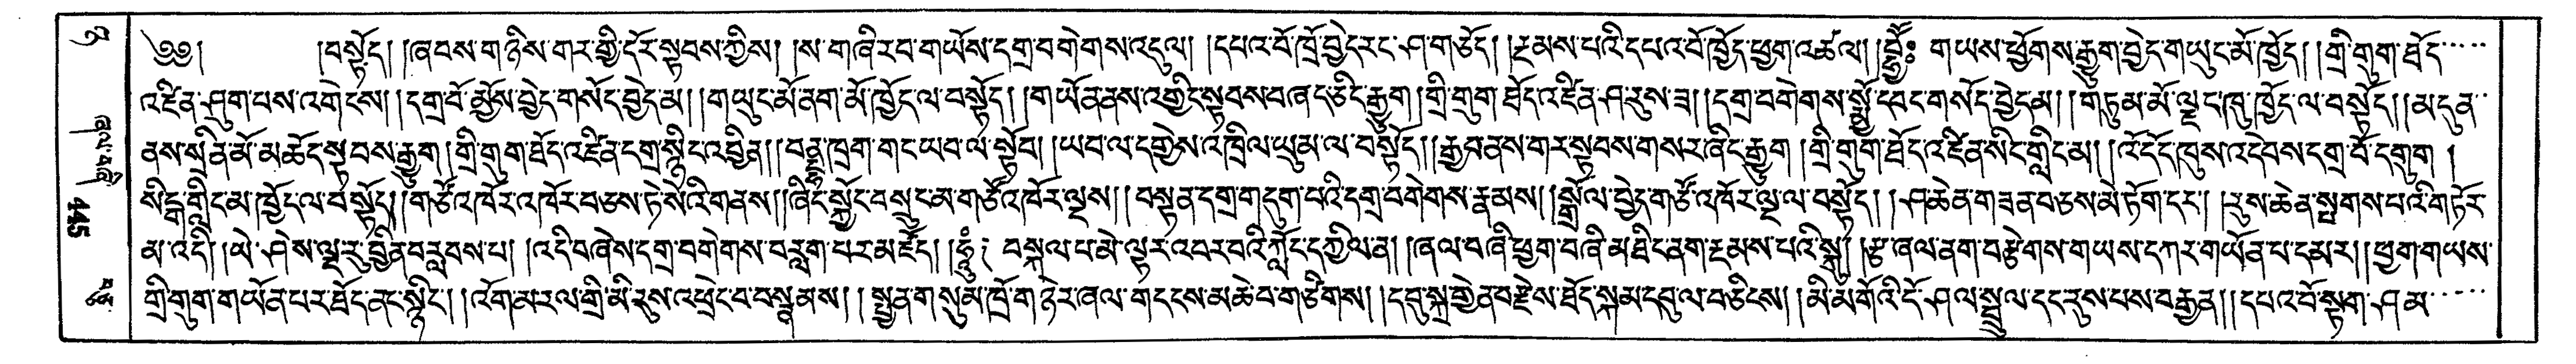༄༅། །བསྟོད། །ཞབས་གཉིས་གར་གྱི་དོར་སྟབས་ཀྱིས། །ས་གཞི་རབ་གཡོས་དགྲ་བགེགས་འདུལ། །དཔའ་བོ་ཁྲོ་བྱེད་རང་ཤ་གཅོད། །རྡམས་པའི་དཔའ་བོ་ཁྱོད་ཕྱག་འཚལ། །བྷྱཽཿ གཡས་ཕྱོགས་རྒྱུག་བྱེད་གཡུང་མོ་ཁྱོད། །གྲི་གུག་ཐོད་
འཛིན་ཤུག་པས་འགེངས། །དགྲ་བོ་མྱོས་བྱེད་གསོད་བྱེད་མ། །གཡུང་མོ་ནག་མོ་ཁྱོད་ལ་བསྟོད། །གཡོན་ནས་འགྱིང་བསྟབས་བཞད་ཅིད་རྒྱུག །གྲི་གུག་ཐོད་འཛིན་ཤ་རུས་ཟ། །དགྲ་བགེགས་སྨྱོ་དབང་གསོད་བྱེད་མ། །གཏུམ་མོ་ལྗང་ཁུ་ཁྱོད་ལ་བསྟོད། །མདུན་
ནས་སྲིན་མོ་མཆོད་སྟབས་རྒྱུག །གྲི་གུག་ཐོད་འཛིན་དགྲ་སྙིང་འབྱིན། །བནྡྷ་ཁྲག་གང་ཡབ་ལ་སྟོབ། །ཡབ་ལ་དགྱེས་འཁྲིལ་ཡུམ་ལ་བསྟོད། །རྒྱབ་ནས་གར་སྟབས་གསར་ཞིང་རྒྱུག །གྲི་གུག་ཐོད་འཛིན་སིང་གྲིང་མ། །འོ་དོད་ཁུས་འདེབས་དགྲ་བོ་དགུག །
སིངྒ་གླིང་མ་ཁྱོད་ལ་བསྟོད། །གཙོ་འཁོར་འཁོར་བཅས་ཏེ་སེའི་གནས། །ཞིང་སྐྱོང་བསྲུང་མ་གཙོ་འཁོར་ལྔས། །བསྟན་དགྲ་གདུག་པའི་དགྲ་བགེགས་རྣམས། །སྒྲོལ་བྱེད་གཙོ་འཁོར་ལྔ་ལ་བསྟོད། །ཤ་ཆེན་གཞན་བཅས་མེ་ཏོག་དང་། །རུས་ཆེན་སྦགས་པའི་གཏོར་
མ་འདི། །ཡེ་ཤེས་ལྔ་རུ་བྱིན་བརླབས་པ། །འདི་བཞེས་དགྲ་བགེགས་བརླག་པར་མཛོད། །ཧཱུཾ༑ བསྐལ་པ་མེ་ལྟར་འབར་བའི་ཀློང་དཀྱིལ་ན། །ཞལ་བཞི་ཕྱག་བཞི་མཐིང་ནག་རྡམས་པའི་སྐུ། །རྩ་ཞལ་ནག་བརྩེགས་གཡས་དཀར་གཡོན་པ་དམར། །ཕྱག་གཡས་
གྲི་གུག་གཡོན་པར་ཐོད་ནང་སྙིང་། །འོག་མ་རལ་གྲི་མི་རུས་འཕྲེང་བ་བསྣམས། །སྤྱན་གསུམ་ཁྲོ་གཉེར་ཞལ་གདངས་མཆེ་བ་གཙིགས། །དབུ་སྐྲ་གྱེན་བརྫས་ཐོད་སྐམ་དབུ་ལ་བཅིངས། །མི་མགོའི་དོ་ཤལ་སྤྲུལ་དང་རུས་པས་བརྒྱན། །དཔའ་བོ་སྟག་ཤམ་